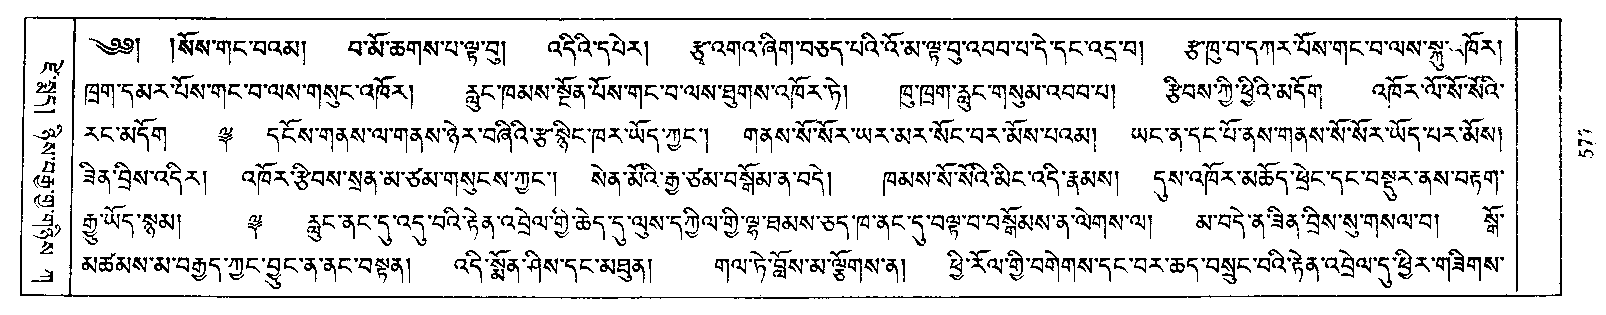༄༅། །སོས་གང་བའམ། བ་མོ་ཆགས་པ་ལྟ་བུ། འདིའི་དཔེར། རྩྭ་འགའ་ཞིག་བཅད་པའི་འོ་མ་ལྟ་བུ་འབབ་པ་དེ་དང་འདྲ་བ། རྩ་ཁུ་བ་དཀར་པོས་གང་བ་ལས་སྐུ་འཁོར།
ཁྲག་དམར་པོས་གང་བ་ལས་གསུང་འཁོར། རླུང་ཁམས་སྔོན་པོས་གང་བ་ལས་ཐུགས་འཁོར་ཏེ། ཁུ་ཁྲག་རླུང་གསུམ་འབབ་པ། རྩིབས་ཀྱི་ཕྱིའི་མདོག་འཁོར་ལོ་སོ་སོའི་
རང་མདོག ༈ དངོས་གནས་ལ་གནས་ཉེར་བཞིའི་རྩ་སྙིང་ཁར་ཡོད་ཀྱང་། གནས་སོ་སོར་ཡར་མར་སོང་བར་མོས་པའམ། ཡང་ན་དང་པོ་ནས་གནས་སོ་སོར་ཡོད་པར་མོས།
ཟིན་བྲིས་འདིར། འཁོར་རྩིབས་སྲན་མ་ཙམ་གསུངས་ཀྱང་། སེན་མོའི་རྒྱ་ཙམ་བསྒོམ་ན་བདེ། ཁམས་སོ་སོའི་མིང་འདི་རྣམས། དུས་འཁོར་མཆོད་ཕྲེང་དང་བསྡུར་ནས་བརྟག་
རྒྱུ་ཡོད་སྙམ། ༈ རླུང་ནང་དུ་འདུ་བའི་རྟེན་འབྲེལ་གྱི་ཆེད་དུ་ལུས་དཀྱིལ་གྱི་ལྷ་ཐམས་ཅད་ཁ་ནང་དུ་བལྟ་བ་བསྒོམས་ན་ལེགས་ལ། མ་བདེ་ན་ཟིན་བྲིས་སུ་གསལ་བ། སྒོ་
མཚམས་མ་བརྒྱད་ཀྱང་བྱུང་ན་ནང་བསྟན། འདི་སྨོན་ཤིས་དང་མཐུན། གལ་ཏེ་བློས་མ་ལྕོགས་ན། ཕྱི་རོལ་གྱི་བགེགས་དང་བར་ཆད་བསྲུང་བའི་རྟེན་འབྲེལ་དུ་ཕྱིར་གཟིགས་